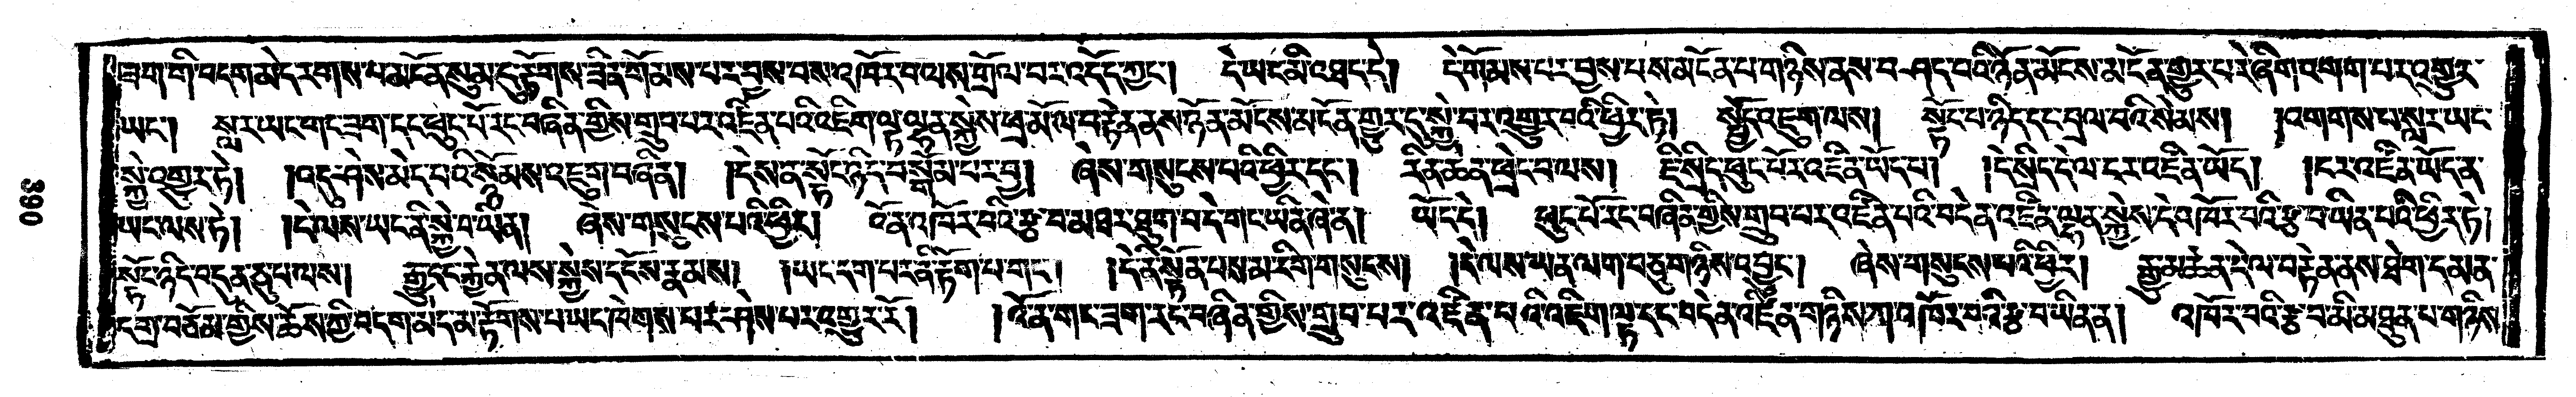ཟག་གི་བདག་མེད་རགས་པ་མངོན་སུམ་དུ་རྟོགས་ཟིན་གོམས་པར་བྱས་པས་འཁོར་བ་ལས་གྲོལ་བར་འདོད་ཀྱང་། དེ་ཡང་མི་འཐད་དེ། དེ་གོམས་པར་བྱས་པས་མངོན་པ་གཉིས་ནས་བཤད་པའི་ཉོན་མོངས་མངོན་གྱུར་པ་རེ་ཞིག་འགག་པར་འགྱུར་
ཡང་། སླར་ཡང་གང་ཟག་དང་ཕུང་པོ་རང་བཞིན་གྱིས་གྲུབ་པར་འཛིན་པའི་འཇིག་ལྟ་ལྷན་སྐྱེས་ཕྲ་མོ་ལ་བརྟེན་ནས་ཉོན་མོངས་མངོན་གྱུར་དུ་སྐྱེ་བར་འགྱུར་བའི་ཕྱིར་ཏེ། སྤྱོད་འཇུག་ལས། སྟོང་པ་ཉིད་དང་བྲལ་བའི་སེམས། །འགགས་པ་སླར་ཡང་
སྐྱེ་འགྱུར་ཏེ། །འདུ་ཤེས་མེད་པའི་སྙོམས་འཇུག་བཞིན། །དེས་ན་སྟོང་ཉིད་བསྒོམ་པར་བྱ། ཞེས་གསུངས་པའི་ཕྱིར་དང་། རིན་ཆེན་ཕྲེང་བ་ལས། ཇི་སྲིད་ཕུང་པོར་འཛིན་ཡོད་པ། །དེ་སྲིད་དེ་ལ་ངར་འཛིན་ཡོད། །ངར་འཛིན་ཡོད་ན་
ཡང་ལས་ཏེ། །དེ་ལས་ཡང་ནི་སྐྱེ་བ་ཡིན། ཞེས་གསུངས་པའི་ཕྱིར། འོ་ན་འཁོར་བའི་རྩ་བ་མཐར་ཐུག་པ་དེ་གང་ཡིན་ཞེ་ན། ཡོད་དེ། ཕུང་པོ་རང་བཞིན་གྱིས་གྲུབ་པར་འཛིན་པའི་བདེན་འཛིན་ལྷན་སྐྱེས་དེ་འཁོར་བའི་རྩ་བ་ཡིན་པའི་ཕྱིར་ཏེ།
སྟོང་ཉིད་བདུན་ཅུ་པ་ལས། རྒྱུ་དང་རྐྱེན་ལས་སྐྱེས་དངོས་རྣམས། །ཡང་དག་པར་ནི་རྟོག་པ་གང་། །དེ་ནི་སྟོན་པས་མ་རིག་གསུངས། །དེ་ལས་ཡན་ལག་བཅུ་གཉིས་འབྱུང་། ཞེས་གསུངས་པའི་ཕྱིར། རྒྱུ་མཚན་དེ་ལ་བརྟེན་ནས་ཐེག་དམན་
དགྲ་བཅོམ་གྱིས་ཆོས་ཀྱི་བདག་མེད་མ་རྟོགས་པ་ཡང་ཁེགས་པར་ཤེས་པར་འགྱུར་རོ། །འོ་ན་གང་ཟག་རང་བཞིན་གྱིས་གྲུབ་པར་འཛིན་པའི་འཇིག་ལྟ་དང་བདེན་འཛིན་གཉིས་ཀ་འཁོར་བའི་རྩ་བ་ཡིན་ན། འཁོར་བའི་རྩ་བ་མི་མཐུན་པ་གཉིས་